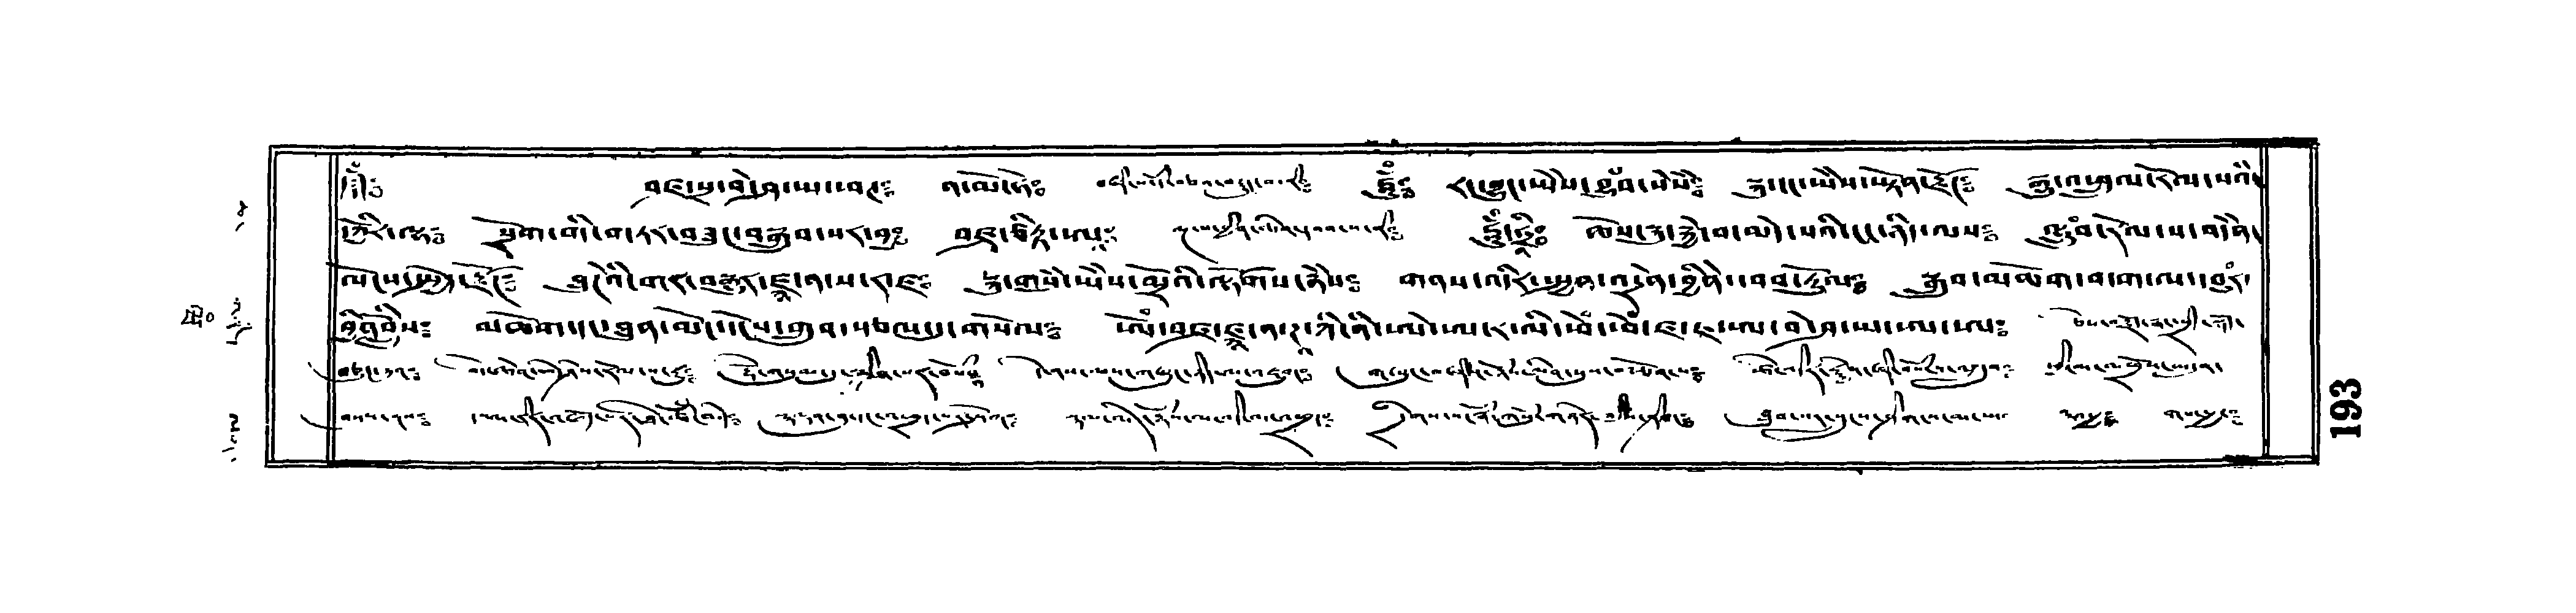བཛྲ་པྲ་བེ་ཤ་ཡ་ཕཊ༔ ན་མོ་ཧོཿ བཞི་པ་དམ་བཅའ་བཟུང་བ་ནི༔ ཧཱུྃ༔ རང་བྱུང་ཡེ་ཤེས་བྱང་ཆུབ་སེམས༔ སྐུ་དང་ཡེ་ཤེས་ཡོན་ཏན་རྫོགས༔ སྒྱུ་འཕྲུལ་རོལ་པའི་
དཀྱིལ་འཁོར་ལྷ༔ སྲོག་གི་གཏའ་བཟུང་བསྒྲུབ་པར་བྱ༔ བཛྲ་ཙིཏྟ་ཨཱཿ ལྔ་པ་བྱིན་ཆེན་དབབ་པ་ནི༔ ཧཱུྃ་ཧྲཱིཿ ཆོས་སྐུ་སྐྱེ་བ་མེད་པའི་ངང་ཉིད་ལས༔ ལྷུན་གྲུབ་རོལ་པ་བདེ་ཆེན་
ལོངས་སྤྱོད་རྫོགས༔ ཐུགས་རྗེའི་གར་བསྒྱུར་ཛྙཱ་ནས་ས་ར་ཛཿ སྐུ་གསུམ་ཡེ་ཤེས་མཁའ་འགྲོའི་ལྷ་ཚོགས་རྣམས༔ གནས་འདིར་སྤྱན་འདྲེན་བྱིན་ཆེན་དབབ་ཏུ་གསོལ༔སྒྲུབ་མཆོག་བདག་ལ་དབུ་མར་
བྱིན་གྱིས་རློབས་༔ མཆོག་དང་ཐུན་མོང་དངོས་གྲུབ་བསྩལ་དུ་གསོལ༔ ཨོཾ་བཛྲ་ཛྙཱ་ན་ཌཱ་ཀི་ནི་ཨེ་ཨ་ར་ལི་ཕེཾ་ཕེཾ་ཛ་ཛ་ཨ་བེ་ཤ་ཡ་ཨ་ཨ༔ ཞེས་བརྗོད་སྣང་སྲིད་སྣོད་
བཅུད་ཀུན༔ བདེ་ཆེན་ཡེ་ཤེས་རོལ་པ་རུ༔ རྡོ་རྗེ་གསུམ་དུ་ཟིན་པར་བསམ༔ དེ་ནས་ལས་གཞུང་ཉིད་ལ་འཇུག༔ གཞུང་བཞིན་ཉམས་ལེན་སུས་བརྩོན་པ༔ ཚེ་འདིར་རྐྱེན་ཞི་བསམ་པ་འགྲུབ༔ ཕྱི་མ་ནཁའ་འགྲོས་མདུན་
བསུས་ནས༔ དཔལ་རིར་འཁོད་པར་ཐེ་ཚོམ་མེད༔ སྐལ་ལྡན་བུ་དང་འཕྲད་པར་ཤོག༔ སྐལ་མེད་རྣམས་ལ་འདི་མ་འཕྲད༔ དྲེགས་པ་རྣམ་གསུམ་གཉེར་གྱིས་ཤིག༔ ཐུབ་པར་སྲུངས་ཤིག་ས་མ་ཡ༔ ཟབ་རྒྱ༔ གསང་རྒྱ༔